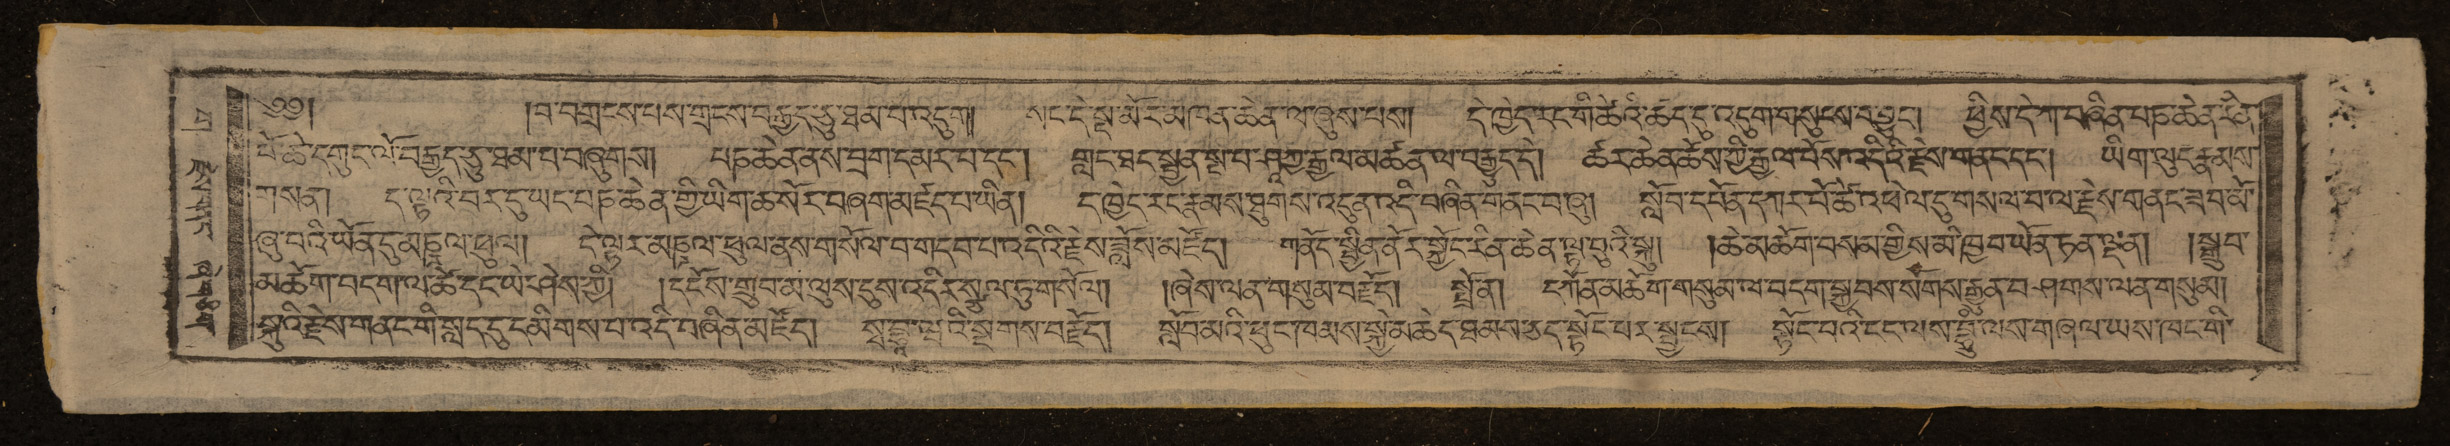༄༅། །བ་བགྲངས་པས་གྲངས་བརྒྱད་ཅུ་ཐམ་པ་འདུག། སང་དེ་སྔ་མོར་མཁན་ཆེན་ལ་ཞུས་པས། དེ་ཁྱེད་རང་གི་ཚེའི་ཚད་དུ་འདུག་གསུངས་བ་བྱུང་། ཕྱིས་དེ་ཀ་བཞིན་པཎ་ཆེན་རིན་པོ་ཆེ་དགུང་ལོ་བརྒྱད་ཅུ་ཐམ་པ་བཞུགས། པཎ་ཆེན་ནས་བྲག་དམར་པ་དང་། གླང་ཐང་སྤྱན་སྔ་པ་ཤཱཀྱ་རྒྱལ་མཚན་ལ་བརྒྱུད་དེ། ཚར་ཆེན་ཆོས་ཀྱི་རྒྱལ་པོས་འདིའི་རྗེས་གནང་དང་། ཡིག་ལུང་རྣམས་
གསན། ད་ལྟའི་བར་དུ་ཡང་པཎ་ཆེན་གྱི་ཡིག་ཆ་སོར་བཞག་མཛད་པ་ཡིན། ད་ཁྱེད་རང་རྣམས་ཐུགས་འདུན་འདི་བཞིན་གནང་བ་ཞུ། སློབ་དཔོན་དཀར་པོ་ཚེ་འཕེལ་དུ་གསལ་བ་ལ་རྗེས་གནང་ཟབ་མོ་
ཞུ་བའི་ཡོན་དུ་མཎྜ་ལ་ཕུལ། དེ་ལྟར་མཎྜལ་ཕུལ་ནས་གསོལ་བ་གདབ་པ་འདིའི་རྗེས་ཟློས་མཛོད། གནོད་སྦྱིན་ནོར་སྐྱོང་རིན་ཆེན་ལྟ་བུའི་སྐུ། །ཆེ་མཆོག་བསམ་གྱིས་མི་ཁྱབ་ཡོན་ཏན་ལྡན། །སྒྲུབ་
མཆོག་བདག་ལ་ཚེ་དང་ཡེ་ཤེས་ཀྱི། །དངོས་གྲུབ་མ་ལུས་དུས་འདིར་སྩལ་དུ་གསོལ། །ཞེས་ལན་གསུམ་བརྗོད། སྤྲོ་ན། དཀོན་མཆོག་གསུམ་ལ་བདག་སྐྱབས་སོགས་རྒྱུན་བཤགས་ལན་གསུམ།
སྐུའི་རྗེས་གནང་གི་སླད་དུ་དམིགས་པ་འདི་བཞིན་མཛོད། སྭ་བྷཱ་ཝའི་སྔགས་བརྗོད། སློབ་མའི་ཕུང་ཁམས་སྐྱེ་མཆེད་ཐམས་ཅད་སྟོང་པར་སྦྱངས། སྟོང་པའི་ངང་ལས་བྷྲུཾ་ལས་གཞལ་ཡས་ཁང་གི་